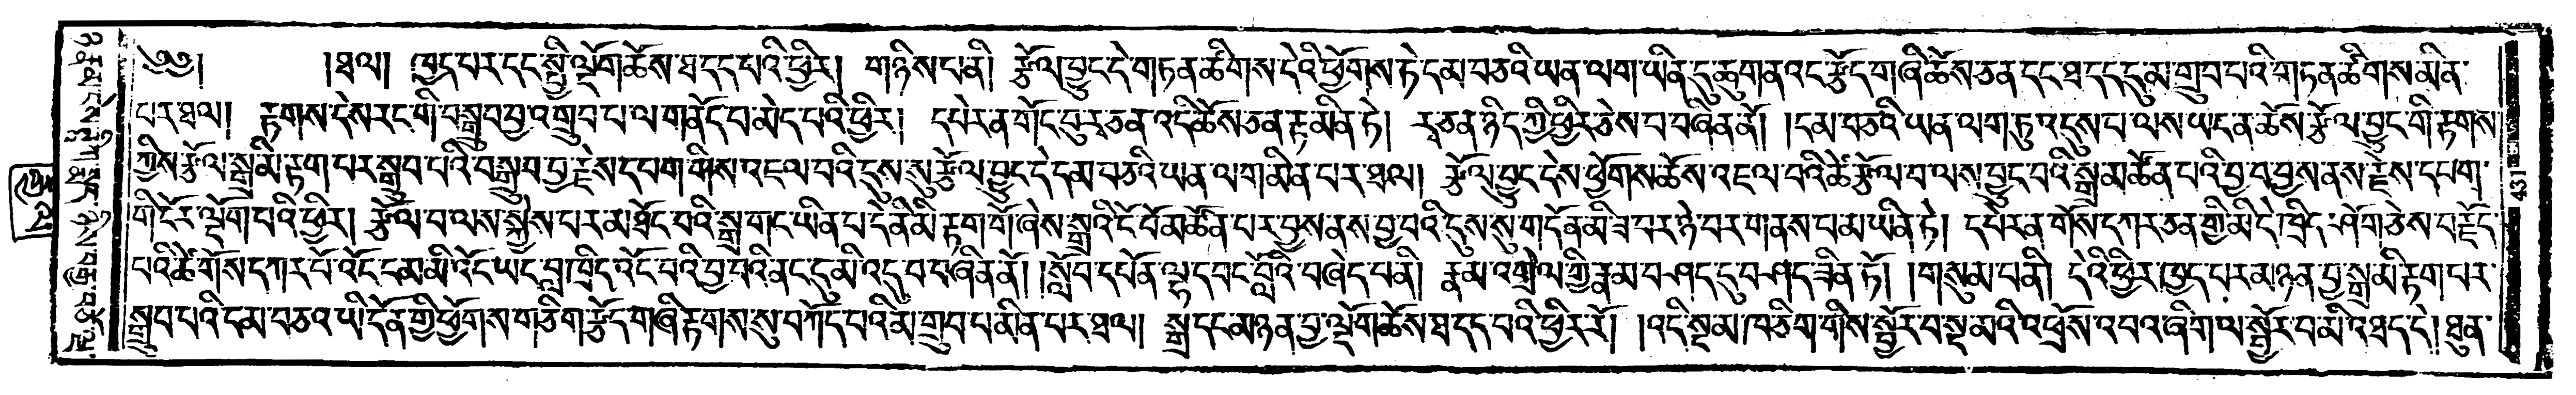༄༅། །ཐལ། ཁྱད་པར་དང་སྤྱི་ལྡོག་ཆོས་ཐ་དད་པའི་ཕྱིར། གཉིས་པ་ནི། རྩོལ་བྱུང་དེ་གཏན་ཚིགས་དེའི་ཕྱོགས་ཏེ་དམ་བཅའི་ཡན་ལག་ཡིན་དུ་ཆུག་ནའང་རྩོད་གཞི་ཆོས་ཅན་དང་ཐ་དད་དུ་མ་གྲུབ་པའི་གཏན་ཚིགས་མིན་
པར་ཐལ། རྟགས་དེས་རང་གི་བསྒྲུབ་བྱ་འགྲུབ་པ་ལ་གནོད་པ་མེད་པའི་ཕྱིར། དཔེར་ན་གོང་བུ་རྭ་ཅན་འདི་ཆོས་ཅན་རྟ་མིན་ཏེ། རྭ་ཅན་ཉིད་ཀྱི་ཕྱིར་ཅེས་པ་བཞིན་ནོ། །དམ་བཅའི་ཡན་ལག་ཏུ་འདུས་པ་ལས་ཡང་ན་ཆོས་རྩོལ་བྱུང་གི་རྟགས་
ཀྱིས་རྩོལ་སྒྲ་མི་རྟག་པར་སྒྲུབ་པའི་བསྒྲུབ་བྱ་རྗེས་དཔག་གིས་འཇལ་བའི་དུས་སུ་རྩོལ་བྱུང་དེ་དམ་བཅའི་ཡན་ལག་མིན་པར་ཐལ། རྩོལ་བྱུང་དེས་ཕྱོགས་ཆོས་འཇལ་བའི་ཚེ་རྩོལ་བ་ལས་བྱུང་བའི་སྒྲ་མཚོན་པའི་བྱ་བ་བྱས་ནས་རྗེས་དཔག་
གི་ངོར་ལྡོག་པའི་ཕྱིར། རྩོལ་བ་ལས་སྐྱེས་པར་མཐོང་བའི་སྒྲ་གང་ཡིན་པ་དེ་ནི་མི་རྟག་གོ་ཞེས་སྒྲའི་ངོ་བོ་མཚོན་པར་བྱས་ནས་བྱ་བའི་དུས་སུ་གདོན་མི་ཟ་བར་ཉེ་བར་གནས་པ་མ་ཡིན་ཏེ། དཔེར་ན་གོས་དཀར་ཅན་གྱི་མི་དེ་ཁྲིད་ཤོག་ཅེས་བརྗོད་
པའི་ཚེ་གོས་དཀར་པོ་འོང་དམ་མི་འོང་ཡང་བླ་ཁྲིད་འོང་བའི་བྱ་བའི་ནང་དུ་མི་འདུ་བ་བཞིན་ནོ། །སློབ་དཔོན་ལྷ་དབང་བློའི་བཞེད་པ་ནི། རྣམ་འགྲེལ་གྱི་རྣམ་བཤད་དུ་བཤད་ཟིན་ཏོ། །གསུམ་པ་ནི། དེའི་ཕྱིར་ཁྱད་པར་མཉན་བྱ་སྒྲ་མི་རྟག་པར་
སྒྲུབ་པའི་དམ་བཅའ་ཡི་དོན་གྱི་ཕྱོགས་གཅིག་རྩོད་གཞི་རྟགས་སུ་བཀོད་པའི་མ་གྲུབ་པ་མིན་པར་ཐལ། སྒྲ་དང་མཉན་བྱ་ལྡོག་ཆོས་ཐ་དད་པའི་ཕྱིར་རོ། །འདི་སྔ་མ་ཁ་ཅིག་གིས་སྦྱོར་བ་སྔ་མའི་འཕྲོས་འབའ་ཞིག་ལ་སྦྱོར་བ་མི་འཐད་དེ། ཐུན་